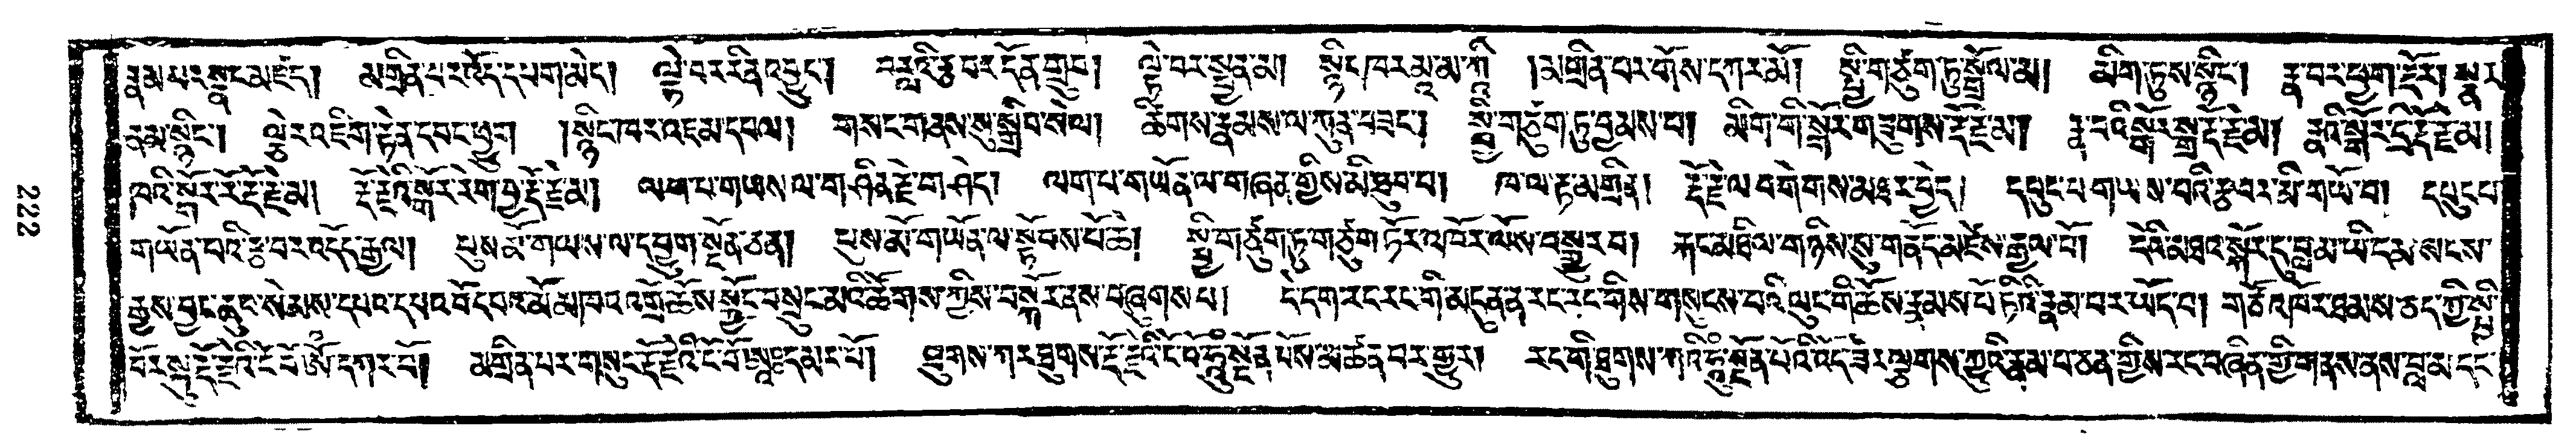རྣམ་པར་སྣང་མཛད། མགྲིན་པར་འོད་དཔག་མེད། ལྟེ་བར་རིན་འབྱུང་། བརླའི་རྩ་བར་དོན་གྲུབ། ལྟེ་བར་སྤྱན་མ། སྙིང་ཁར་མཱ་མ་ཀཱི །མགྲིན་པར་གོས་དཀར་མོ། སྤྱི་གཙུག་ཏུ་སྒྲོལ་མ། མིག་ཏུ་ས་སྙིང་། རྣ་བར་ཕྱག་རྡོར། སྣར་
ནམ་སྙིང་། ལྕེར་འཇིག་རྟེན་དབང་ཕྱུག །སྙིང་ཁར་འཇམ་དཔལ། གསང་གནས་སུ་སྒྲིབ་སེལ། ཚིགས་རྣམས་ལ་ཀུན་བཟང་། སྤྱི་གཙུག་ཏུ་བྱམས་པ། མིག་གི་སྒོར་གཟུགས་རྡོ་རྗེ་མ། རྣ་བའི་སྒོར་སྒྲ་རྡོ་རྗེ་མ། རྣའི་སྒོར་དྲི་རྡོ་རྗེ་མ།
ཁའི་སྒོར་རོ་རྡོ་རྗེ་མ། རྡོ་རྗེའི་སྒོར་རེག་བྱ་རྡོ་རྗེ་མ། ལག་པ་གཡས་ལ་གཤིན་རྗེ་གཤེད། ལག་པ་གཡོན་ལ་གཞན་གྱིས་མི་ཐུབ་པ། ཁ་ལ་རྟ་མགྲིན། རྡོ་རྗེ་ལ་བགེགས་མཐར་བྱེད། དཔུང་པ་གཡས་བའི་རྩ་བར་མི་གཡོ་བ། དཔུང་པ་
གཡོན་པའི་རྩ་བར་འདོད་རྒྱལ། པུས་མོ་གཡས་ལ་དབྱུག་སྔོན་ཅན། པུས་མོ་གཡོན་ལ་སྟོབས་པོ་ཆེ། སྤྱི་གཙུག་ཏུ་གཙུག་ཏོར་འཁོར་ལོས་བསྒྱུར་བ། རྐང་མཐིལ་གཉིས་སུ་གནོད་མཛེས་རྒྱལ་པོ། དེའི་མཐའ་སྐོར་དུ་བླ་མ་ཡི་དམ་སངས་
རྒྱས་བྱང་ཆུབ་སེམས་དཔའ་དཔའ་བོ་དཔའ་མོ་མཁའ་འགྲོ་ཆོས་སྐྱོང་བསྲུང་མའི་ཚོགས་ཀྱིས་བསྐོར་ནས་བཞུགས་པ། དེ་དག་རང་རང་གི་མདུན་ན་རང་རང་གིས་གསུངས་པའི་ལུང་གི་ཆོས་རྣམས་པོ་ཏིའི་རྣམ་པར་ཡོད་བ། གཙོ་འཁོར་ཐམས་ཅད་ཀྱི་སྤྱི་
བོར་སྐུ་རྡོ་རྗེའི་ངོ་བོ་ཨོཾ་དཀར་པོ། མགྲིན་པར་གསུང་རྡོ་རྗེའི་ངོ་བོ་ཨཱཿ དམར་པོ། ཐུགས་ཀར་ཐུགས་རྡོ་རྗེའི་ངོ་བོ་ཧཱུཾ་སྔོན་པོས་མཚན་བར་གྱུར། རང་གི་ཐུགས་ཀའི་ཧཱུཾ་སྔོན་པོའི་འོད་ཟེར་ལྕགས་ཀྱུའི་རྣམ་པ་ཅན་གྱིས་རང་བཞིན་གྱི་གནས་ནས་བླ་མ་དང་